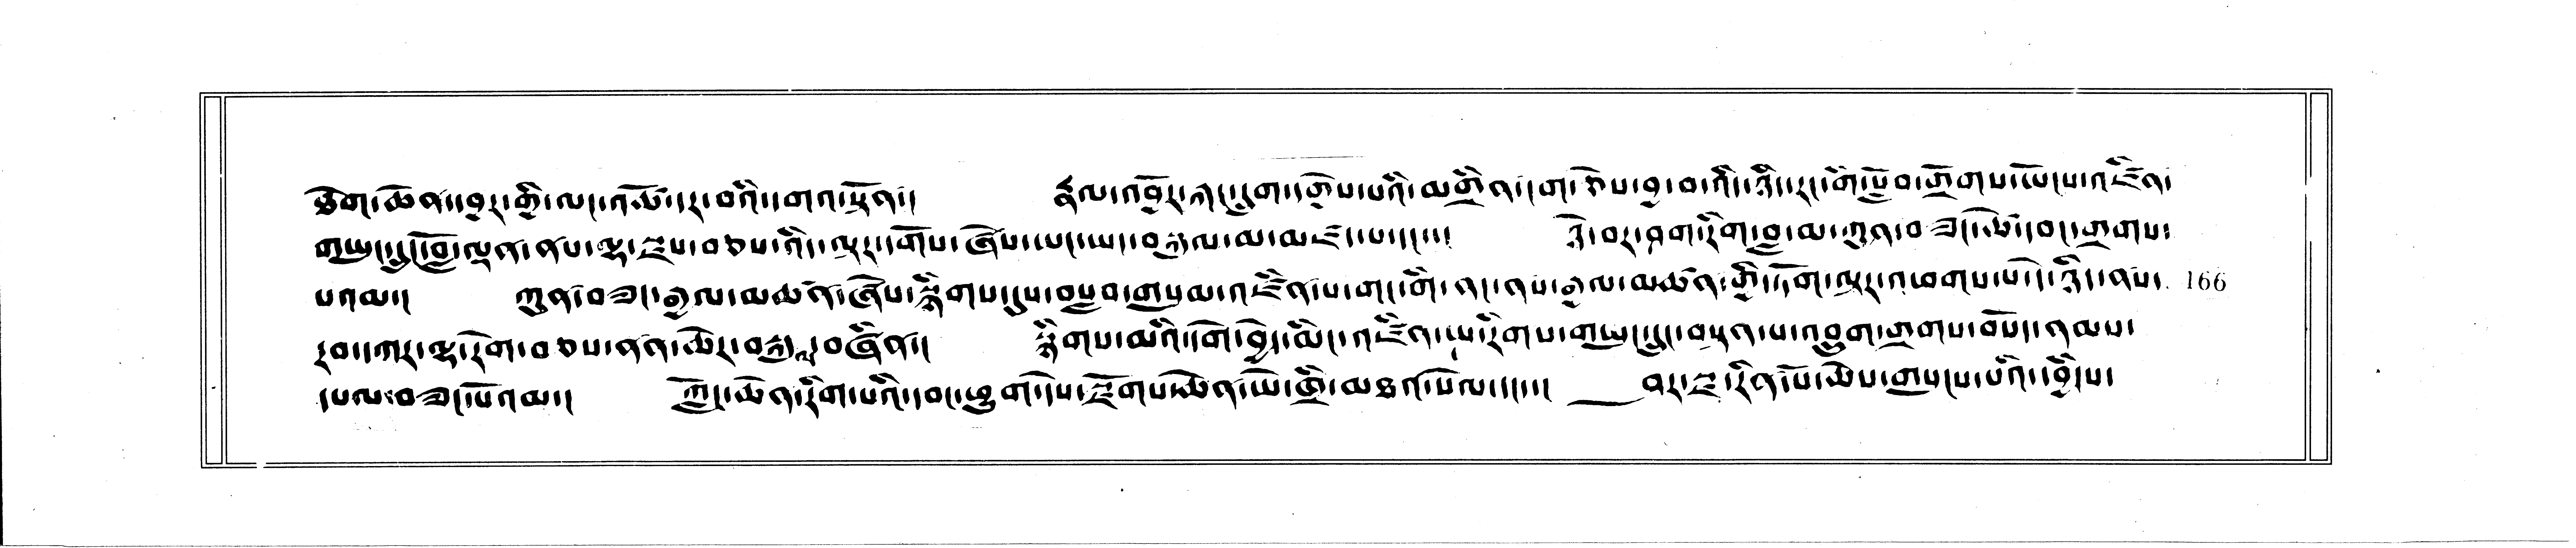ཐེག་ཆེན་དབྱར་གྱི་ལང་ཚོ་དར་བའི་དགའ་སྟོན། རྣལ་འབྱོར་རྐང་དྲུག་དགྱེས་པའི་མགྲིན་ངག་ཅེས་བྱ་བ་འདི་ཉིད་རང་གི་སློབ་གྲོགས་ཡོངས་འཛིན་
གཡུང་དྲུང་བློ་ལྡན་ནས་ལྷ་རྫས་བཅས་འདི་ལྟར་དགོས་ཞེས་ཡང་ཡང་བསྐུལ་མ་མཛད་པ་དང་། ཉེ་བར་ཤག་རིག་བླ་མ་ཀུན་བཟང་ཚེ་དབང་གྲགས་
པའམ། ཀུན་བཟང་རྒྱལ་མཚན་ཞེས་སྙིགས་དུས་བསླབ་གསུམ་འཛིན་པ་གང་གི་ནང་ནས་རྒྱལ་མཚན་གྱི་ཏོག་ལྟར་འཕགས་པ་དེ་ཉིད་ནས་
རབ་དཀར་ལྷ་རེག་བཅས་ནན་ཆེར་བསྐུལ་བཞིན། སྙིགས་མའི་དགེ་བྱེད་མིང་འཛིན་སྤ་རིགས་གཡུང་དྲུང་བསྟན་པ་འབྲུག་གྲགས་བསོད་ནམས་
དཔལ་བཟང་པོའམ། ཀློང་ཆེན་རིག་པའི་དབང་ཕྱུག་དེས་རྫོགས་ཆེན་ཡེ་ཁྲི་མཐའ་སེལ་དང་། ཤར་རྫ་རིན་པོ་ཆེས་གསུངས་པའི་དབྱིངས་